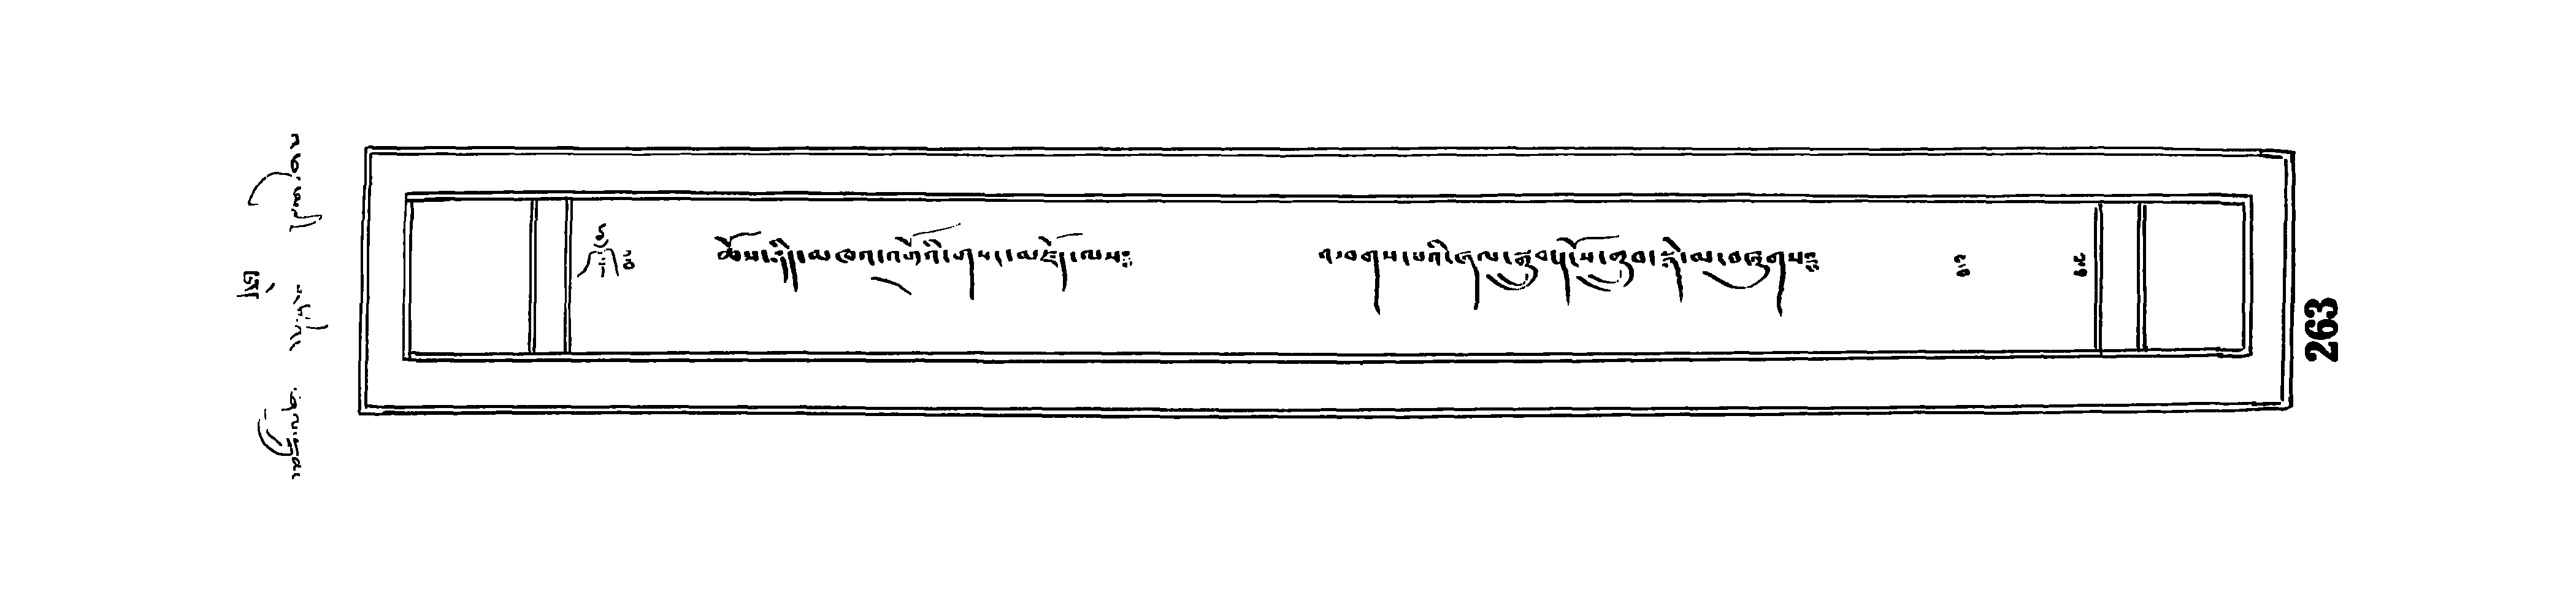ཆོས་ཉིད་མཁའ་འགྲོའི་གསང་མཛོད་ལས༔ འཕགས་པའི་ཞལ་སྒྲུབ་དངོས་གྲུབ་སྙེ་མ་བཞུགས༔